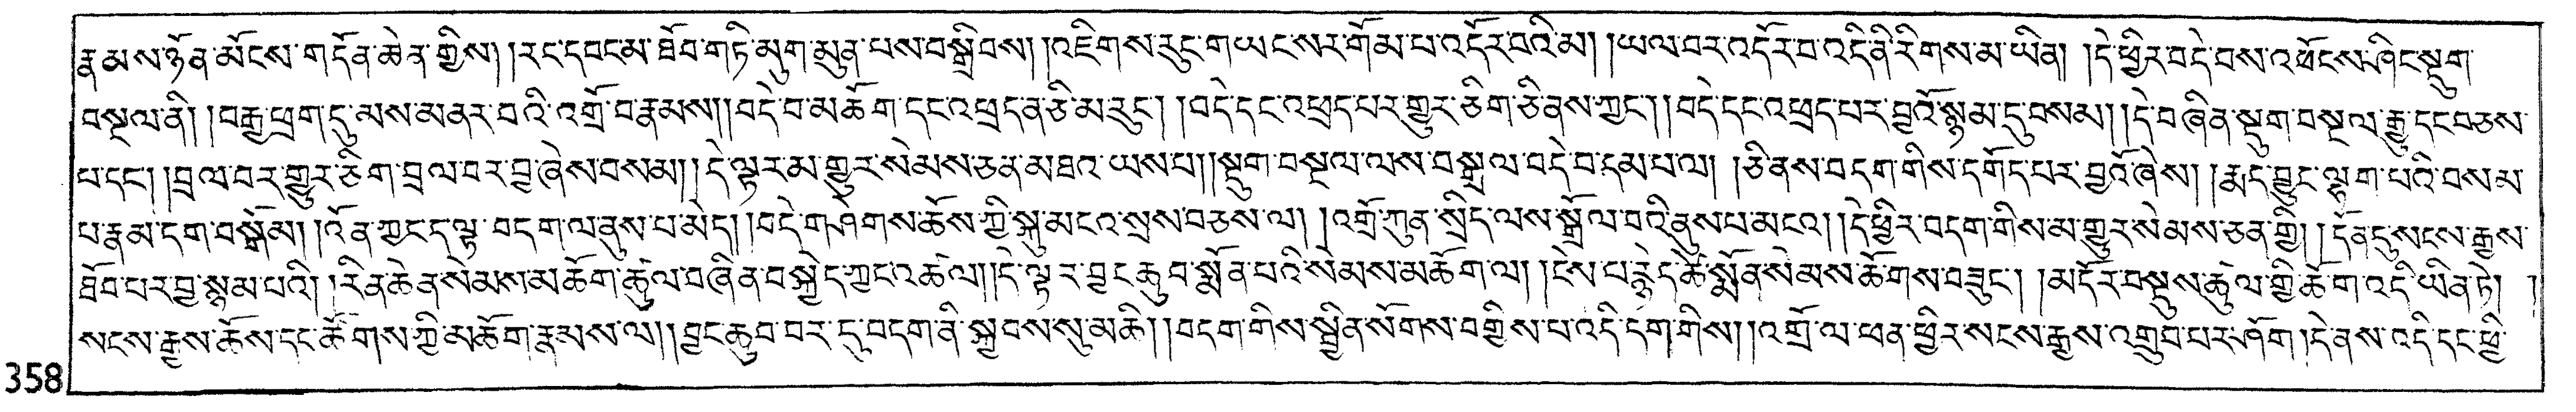རྣམས་ཉོན་མོངས་གདོན་ཆེན་གྱིས། །རང་དབང་མ་ཐོབ་གཏི་མུག་མུན་པས་བསྒྲིབས། །འཇིགས་རུང་གཡང་སར་གོམ་པ་འདོར་བའི་མ། །ཡལ་བར་འདོར་བ་འདི་ནི་རིགས་མ་ཡིན། །དེ་ཕྱིར་བདེ་བས་འཕོངས་ཤིང་སྡུག་
བསྔལ་ནི། །བརྒྱ་ཕྲག་དུ་མས་མནར་བའི་འགྲོ་བ་རྣམས། །བདེ་བ་མཆོག་དང་འཕྲད་ན་ཅི་མ་རུང་། །བདེ་དང་འཕྲད་པར་གྱུར་ཅིག་ཅི་ནས་ཀྱང་། །བདེ་དང་འཕྲད་པར་བྱའོ་སྙམ་དུ་བསམ། །དེ་བཞིན་སྡུག་བསྔལ་རྒྱུ་དང་བཅས་
པ་དང་། །བྲལ་བར་གྱུར་ཅིག་བྲལ་བར་བྱ་ཞེས་བསམ། །དེ་ལྟར་མ་གྱུར་སེམས་ཅན་མཐའ་ཡས་པ། །སྡུག་བསྔལ་ལས་བསྒྲལ་བདེ་བ་དམ་པ་ལ། །ཅི་ནས་བདག་གིས་དགོད་པར་བྱའོ་ཞེས། །རྨད་བྱུང་ལྷག་པའི་བསམ་
པ་རྣམ་དག་བསྒོམ། །འོན་ཀྱང་ད་ལྟ་བདག་ལ་ནུས་པ་མེད། །བདེ་གཤེགས་ཆོས་ཀྱི་སྐུ་མངའ་སྲས་བཅས་ལ། །འགྲོ་ཀུན་སྲིད་ལས་སྒྲོལ་བའི་ནུས་པ་མངའ། །དེ་ཕྱིར་བདག་གིས་མ་གྱུར་སེམས་ཅན་གྱི། །དོན་དུ་སངས་རྒྱས་
ཐོབ་པར་བྱ་སྙམ་པའི། །རིན་ཆེན་སེམས་མཆོག་ཚུལ་བཞིན་བསྐྱེད་ཀྱང་འཚལ། །དེ་ལྟར་བྱང་ཆུབ་སྨོན་པའི་སེམས་མཆོག་ལ། །ངེས་པ་རྙེད་ཚེ་སྨོན་སེམས་ཆོ་གས་བཟུང་། །མདོར་བསྡུས་ཚུལ་གྱི་ཆོ་ག་འདི་ཡིན་ཏེ། །
སངས་རྒྱས་ཆོས་དང་ཚོགས་ཀྱི་མཆོག་རྣམས་ལ། །བྱང་ཆུབ་བར་དུ་བདག་ནི་སྐྱབས་སུ་མཆི། །བདག་གིས་སྦྱིན་སོགས་བགྱིས་པ་འདི་དག་གིས། །འགྲོ་ལ་ཕན་ཕྱིར་སངས་རྒྱས་འགྲུབ་པར་ཤོག །དེ་ནས་འདི་དང་ཕྱི་